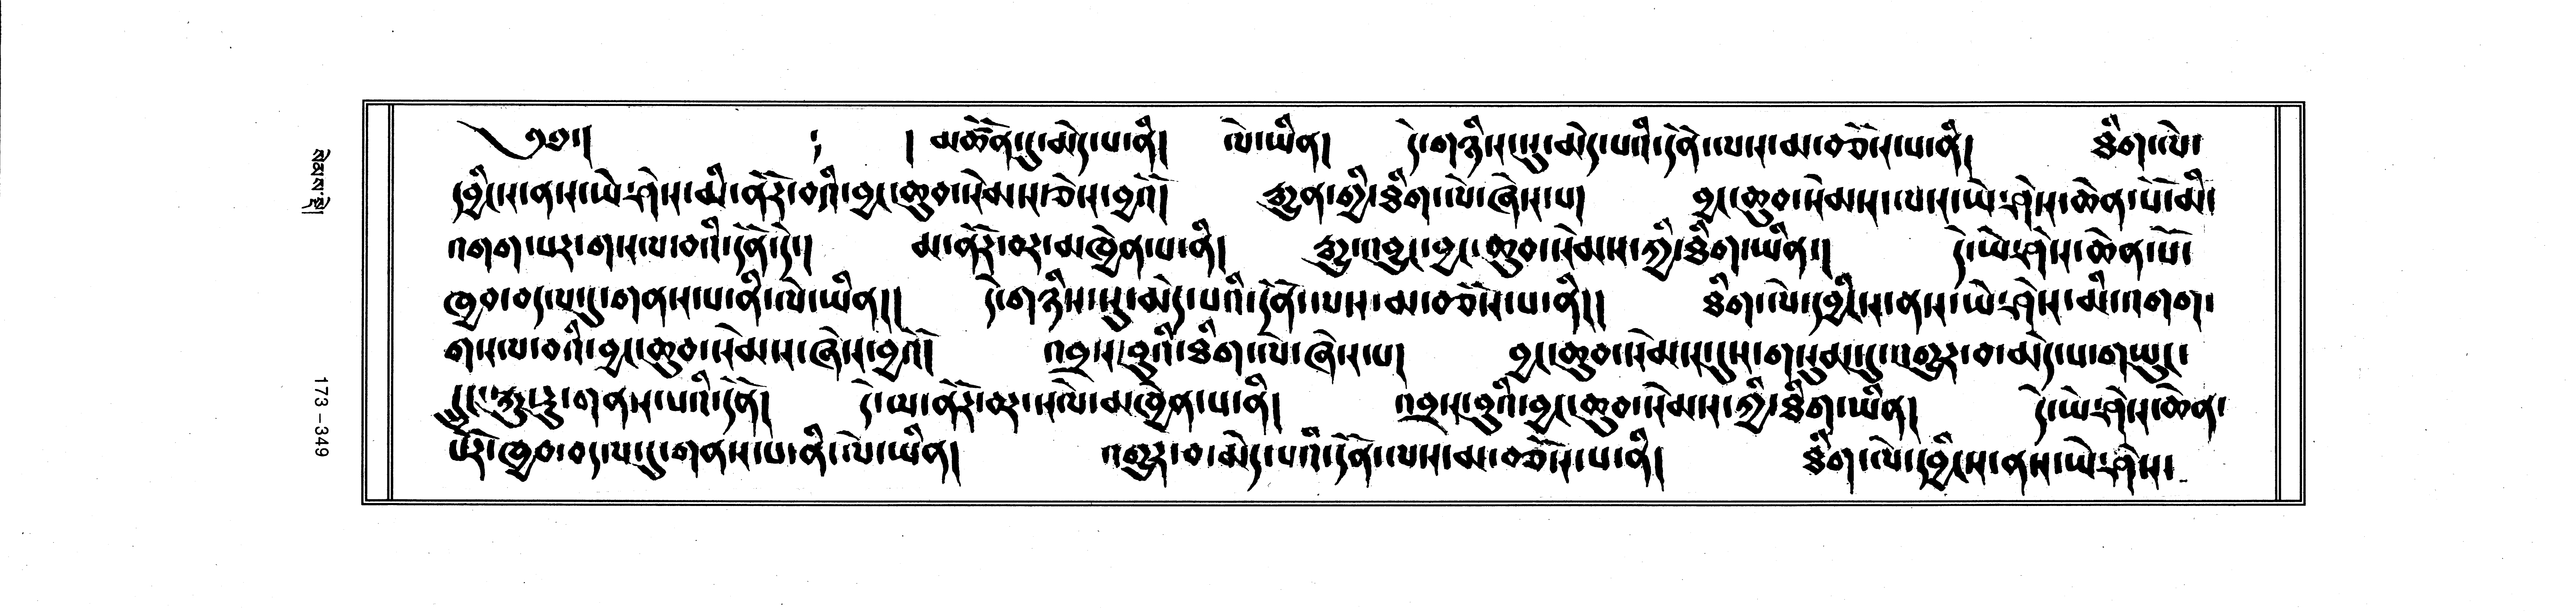མཚོན་དུ་མེད་པ་ནི་ལེ་ཡིན། དེ་གཉིས་སུ་མེད་པའི་དོན་ལ་མ་བཅོས་པ་ནི། ཐིག་ལེ་
དབྱིངས་ནས་ཡེ་ཤེས་མི་ནོར་བའི་བྱང་ཆུབ་སེམས་ཅེས་བྱའོ། །རྒྱུན་གྱི་ཐིག་ལེ་ཞེས་པ། བྱང་ཆུབ་སེམས་ལས་ཡེ་ཤེས་ཆེན་པོ་མི་
འགག་པར་གསལ་བའི་དོན་ཡོད་དེ། མ་ནོར་བར་མཁྱེན་པ་ནི། རྒྱུ་འབྱུང་བྱང་ཆུབ་སེམས་ཀྱི་ཐིག་ཡིན། དེ་ཡེ་ཤེས་ཆེན་པོ་
ཁྱབ་བདལ་དུ་གནས་པ་ནི་ལེ་ཡིན། དེ་གཉིས་སུ་མེད་པའི་དོན་ལ་མ་བཅོས་པ་ནི། ཐིག་ལེ་དབྱིངས་ལས་ཡེ་ཤེས་མི་འགག་
གསལ་བའི་བྱང་ཆུབ་སེམས་ཞེས་བྱའོ། །འབྲས་བུའི་ཐིག་ལེ་ཞེས་པ། བྱང་ཆུབ་སེམས་དུས་གསུམ་དུ་འགྱུར་བ་མེད་པ་གཡུང་
དྲུང་སྐུ་རུ་གནས་པའི་དོན། དེ་མ་ནོར་བ་སལེ་མཁྱེན་པ་ནི། འབྲས་བུ་བྱང་ཆུབ་སེམས་ཀྱི་ཐིག་ཡིན། དེ་ཡེ་ཤེས་ཆེན་
པོ་ཁྱབ་བདལ་དུ་གནས་པ་ནི་ལེ་ཡིན། འགྱུར་བ་མེད་པའི་དོན་ལ་མ་བཅོས་པ་ནི། ཐིག་ལེ་དབྱིངས་ནས་ཡེ་ཤེས་